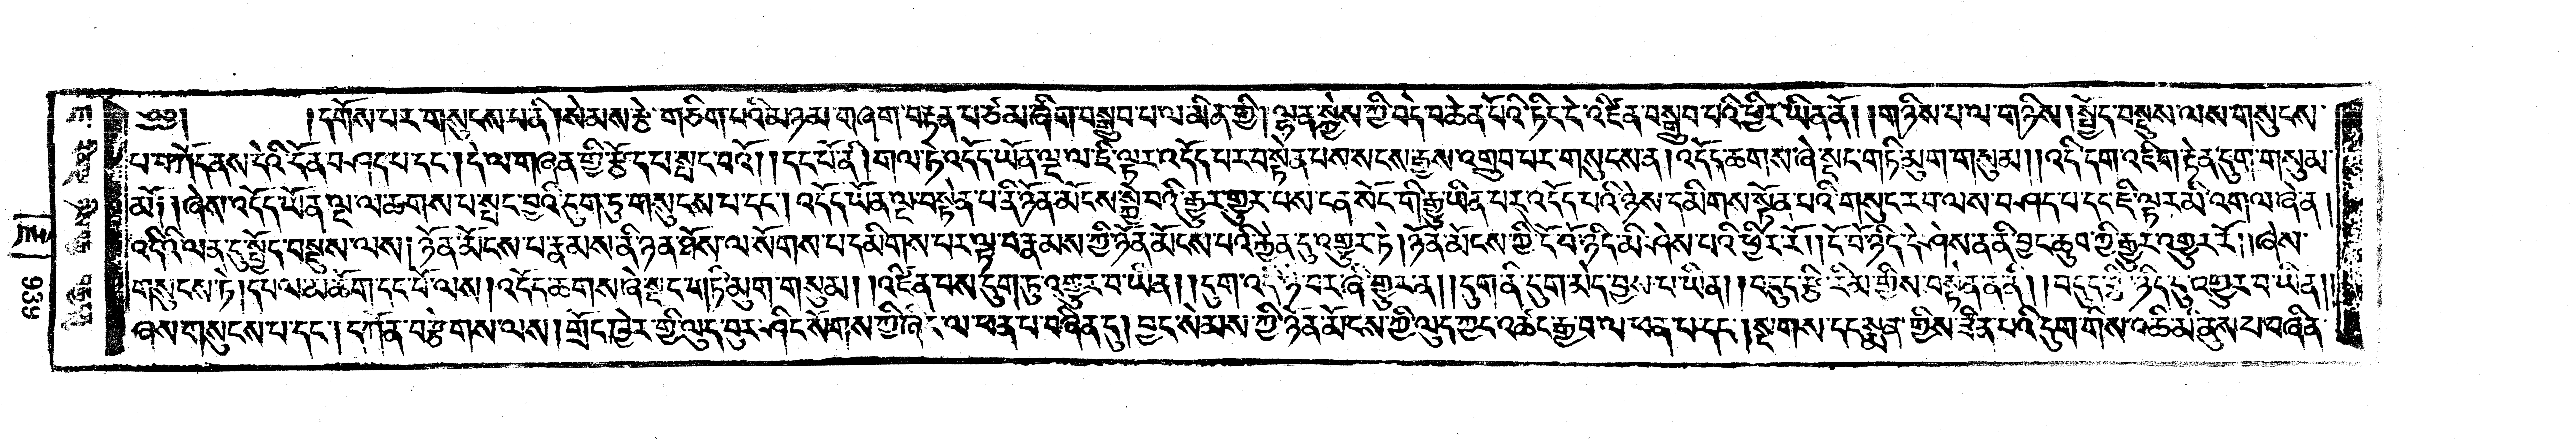༄༅། །དགོས་པར་གསུངས་པ་ནི། སེམས་རྩེ་གཅིག་པའི་མཉམ་གཞག་བརྟན་པ་ཙམ་ཞིག་བསྒྲུབ་པ་ལ་མིན་གྱི། ལྷན་སྐྱེས་ཀྱི་བདེ་བ་ཆེན་པོའི་ཏིང་ངེ་འཛིན་བསྒྲུབ་པའི་ཕྱིར་ཡིན་ནོ། །གཉིས་པ་ལ་གཉིས། སྤྱོད་བསྡུས་ལས་གསུངས་
པ་བཀོད་ནས་དེའི་དོན་བཤད་པ་དང་། དེ་ལ་གཞན་གྱི་རྩོད་པ་སྤང་བའོ། །དང་པོ་ནི། གལ་ཏེ་འདོད་ཡོན་ལྔ་ལ་ཇི་ལྟར་འདོད་པར་བསྟེན་པས་སངས་རྒྱས་འགྲུབ་པར་གསུངས་ན། འདོད་ཆགས་ཞེ་སྡང་གཏི་མུག་གསུམ། །འདི་དག་འཇིག་རྟེན་དུག་གསུམ་
མོ། །ཞེས་འདོད་ཡོན་ལྔ་ལ་ཆགས་པ་སྤང་བྱའི་དུག་ཏུ་གསུངས་པ་དང་། འདོད་ཡོན་ལྔ་བསྟེན་པ་ནི་ཉོན་མོངས་སྐྱེ་བའི་རྒྱུར་གྱུར་པས་ངན་སོང་གི་རྒྱུ་ཡིན་པར་འདོད་པའི་ཉེས་དམིགས་སྟོན་པའི་གསུང་རབ་ལས་བཤད་པ་དང་ཇི་ལྟར་མི་འགལ་ཞེ་ན།
འདིའི་ལན་དུ་སྤྱོད་བསྡུས་ལས། ཉོན་མོངས་པ་རྣམས་ནི་ཉན་ཐོས་ལ་སོགས་པ་དམིགས་པར་ལྟ་བ་རྣམས་ཀྱི་ཉོན་མོངས་པའི་རྐྱེན་དུ་འགྱུར་ཏེ། ཉོན་མོངས་ཀྱི་ངོ་བོ་ཉིད་མི་ཤེས་པའི་ཕྱིར་རོ། །ངོ་བོ་ཉིད་དེ་ཤེས་ན་ནི་བྱང་ཆུབ་ཀྱི་རྒྱུར་འགྱུར་རོ། །ཞེས་
གསུངས་ཏེ། དཔལ་མཆོག་དང་པོ་ལས། འདོད་ཆགས་ཞེ་སྡང་གཏི་མུག་གསུམ། །འཛིན་པས་དུག་ཏུ་འགྱུར་བ་ཡིན། །དུག་འདི་ཉེ་བར་ཞི་གྱུར་ན། །དུག་ནི་དུག་མེད་བྱས་པ་ཡིན། །བདུད་རྩི་རིམ་གྱིས་བསྟེན་ན་ནི། །བདུད་རྩི་ཉིད་དུ་འགྱུར་བ་ཡིན། །
ཞེས་གསུངས་པ་དང་། དཀོན་བརྩེགས་ལས། གྲོང་ཁྱེར་གྱི་ལུད་བུར་ཤིང་སོགས་ཀྱི་ཞིང་ལ་ཕན་པ་བཞིན་དུ། བྱང་སེམས་ཀྱི་ཉོན་མོངས་ཀྱི་ལུད་ཀྱང་འཚང་རྒྱ་བ་ལ་ཕན་པ་དང་། སྔགས་དང་སྨན་གྱིས་ཟིན་པའི་དུག་གིས་འཆི་མ་ནུས་པ་བཞིན་